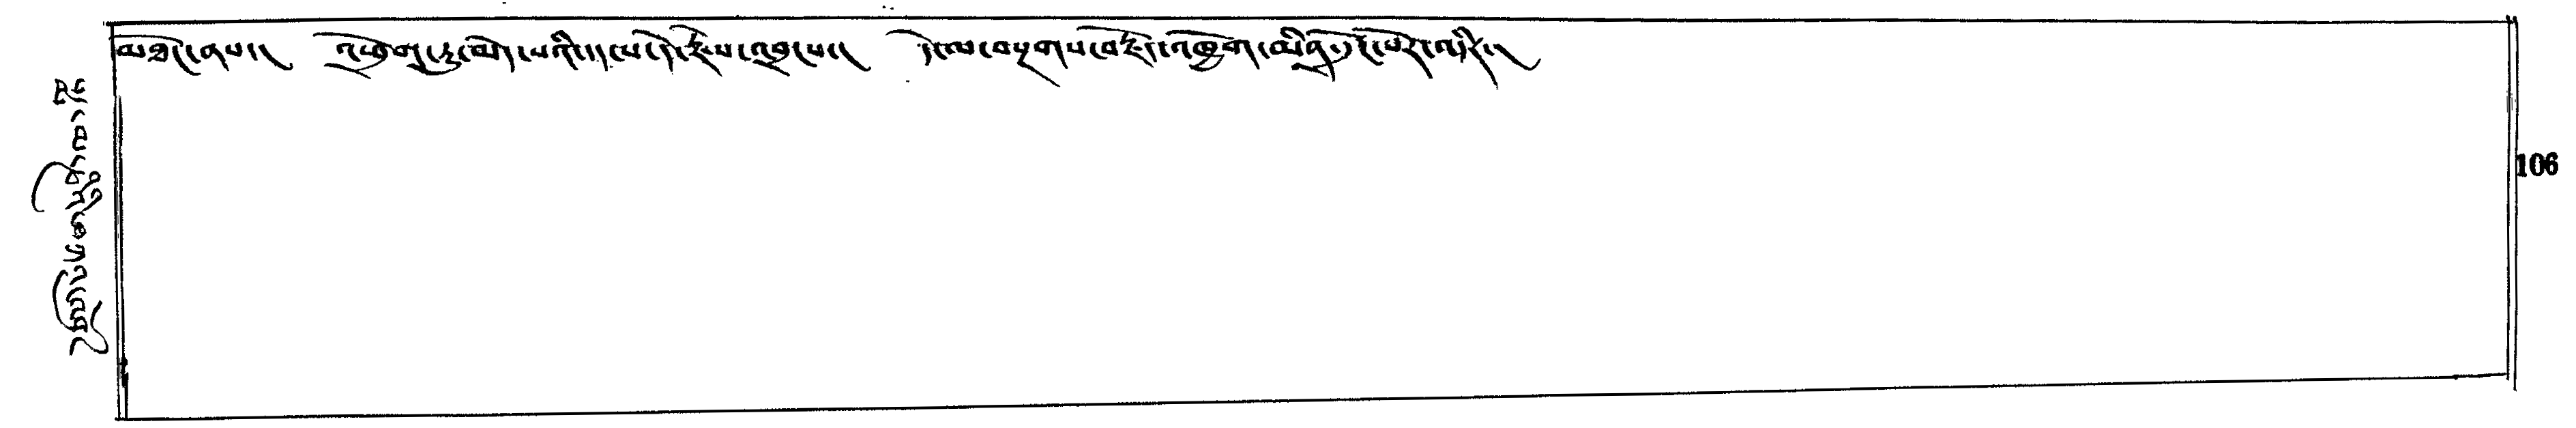མཐོང་ནས། །འཕྲོག་ཏུ་མེད་པའི་དད་དེ་རྗེས་འབྲང། །དེ་ལ་བསྔགས་བརྗོད་འཁྱོག་མིན་དྲང་པོ་འདིར།